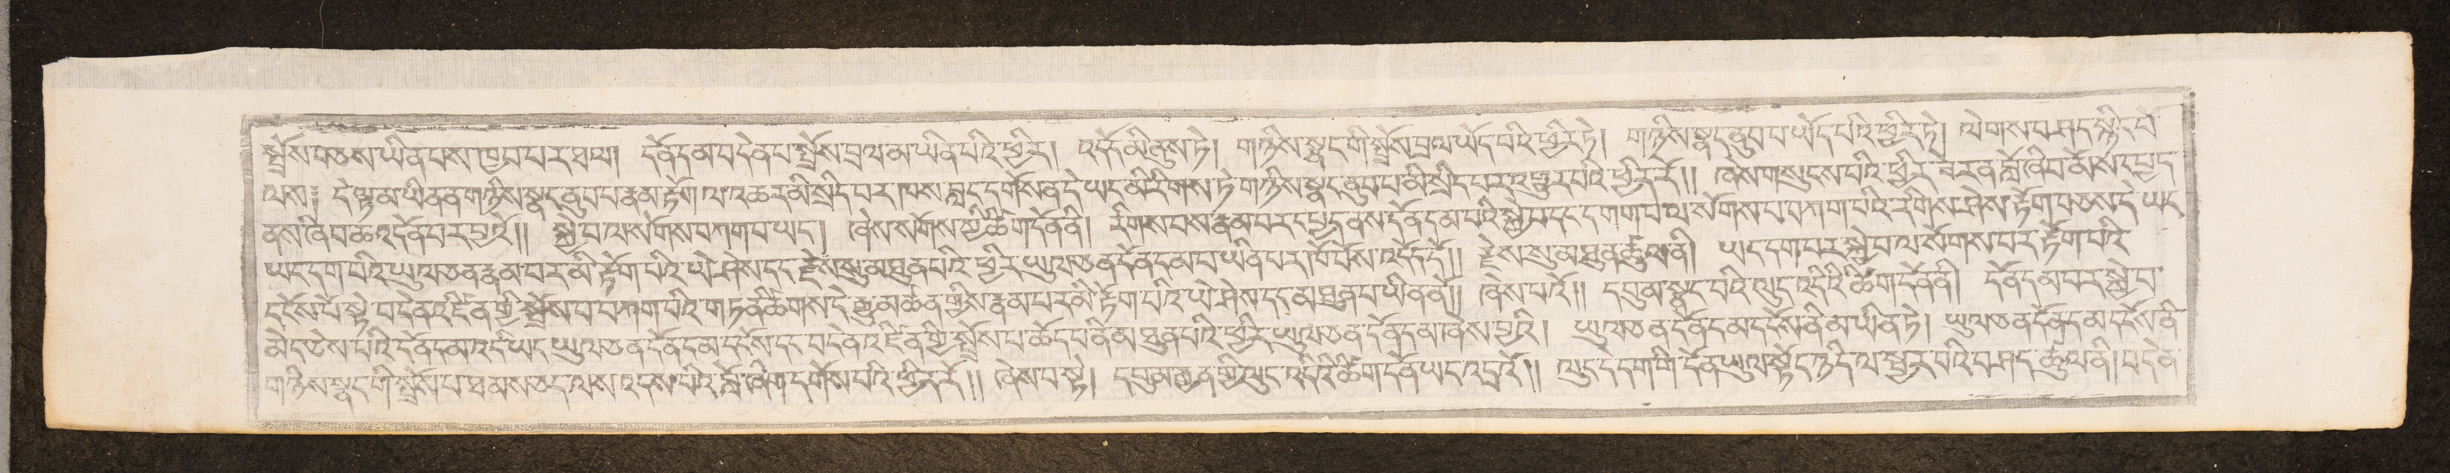སྤྲོས་བཅས་ཡིན་པས་ཁྱབ་པར་ཐལ། དོན་དམ་བདེན་པ་སྤྲོས་བྲལ་མ་ཡིན་པའི་ཕྱིར། འདོད་མི་ནུས་ཏེ། གཉིས་སྣང་གི་སྤྲོས་བྲལ་ཡོད་པའི་ཕྱིར་ཏེ། གཉིས་སྣང་ནུས་པ་ཡོད་པའི་ཕྱིར་ཏེ། ལེགས་བཤད་སྙིང་པོ་
ལས༑ དེ་ལྟ་མ་ཡིན་ན་གཉིས་སྣང་ནུས་པ་རྣམ་རྟོག་ལ་འཆར་མི་སྲིད་པར་ཁས་བླང་དགོས་ན་དེ་ཡང་མི་རིགས་ཏེ་གཉིས་སྣང་ནུབ་པ་མི་སྲིད་པར་འགྱུར་བའི་ཕྱིར་རོ།། ཞེས་གསུངས་པའི་ཕྱིར་ཟེར་ན་བློ་ཞི་བ་མོས་དཔྱད་
ནས་ཞིབ་ཆ་འདོན་པར་བྱའོ།། སྐྱེ་བ་ལ་སོགས་བཀག་པ་ཡང་། ཞེས་སོགས་ཀྱི་ཚིག་དོན་ནི། རིགས་པས་རྣམ་པར་དཔྱད་ནས་དོན་དམ་པའི་སྐྱེ་བ་དང་དགག་པ་ལ་སོགས་པ་བཀག་པའི་རིགས་ཤེས་རྟོག་བཅད་དེ་ཡང་
ཡང་དག་པའི་ཡུལ་ཅན་རྣམ་པར་མི་རྟོག་པའི་ཡེ་ཤེས་དང་རྗེས་སུ་མཐུན་པའི་ཕྱིར་ཡུལ་ཅན་དོན་དམ་པ་ཡིན་པར་ཁོ་བོས་འདོད་དོ།། རྗེས་སུ་མཐུན་ཚུལ་ནི། ཡང་དག་པར་སྐྱེ་བ་ལ་སོགས་པར་རྟོག་པའི་
དངོས་པོ་སྟེ་བདེན་འཛིན་གྱི་སྤྲོས་པ་བཀག་པའི་གཏན་ཚིགས་དེ་རྒྱུ་མཚན་གྱིས་རྣམ་པར་མི་རྟོག་པའི་ཡེ་ཤེས་དང་མཐུན་པ་ཡིན་ནོ།། ཞེས་པའོ།། དབུམ་སྣང་བའི་ལུང་འདིའི་ཚིག་དོན་ནི། དོན་དམ་པར་སྐྱེ་བ་
མེད་ཅེས་པའི་དོན་དམ་འདི་ཡང་ཡུལ་ཅན་དོན་དམ་དངོས་དང་བདེན་འཛིན་གྱི་སྤྲོས་པ་ཆོས་པ་ནི་མཐུན་པའི་ཕྱིར་ཡུལ་ཅན་དོན་དམ་ཞེས་བྱའི། ཡུལ་ཅན་དོན་དམ་དངོས་ནི་མ་ཡིན་ཏེ། ཡུལ་ཅན་དོན་དམ་དངོས་ནི་
གཉིས་སྣང་གི་སྤྲོས་པ་ཐམས་ཅད་ལས་འདས་པའི་བློ་ཞིག་དགོས་པའི་ཕྱིར་རོ།། ཞེས་པ་སྟེ། དབུམ་རྒྱན་གྱི་ལུང་འདིའི་ཚིག་དོན་ཡང་འདྲའོ།། ལུང་དེ་དག་གི་དོན་ཡུལ་སྟོང་ཉིད་ལ་སྦྱར་བའི་བཤད་ཚུལ་ནི་།བདེན་